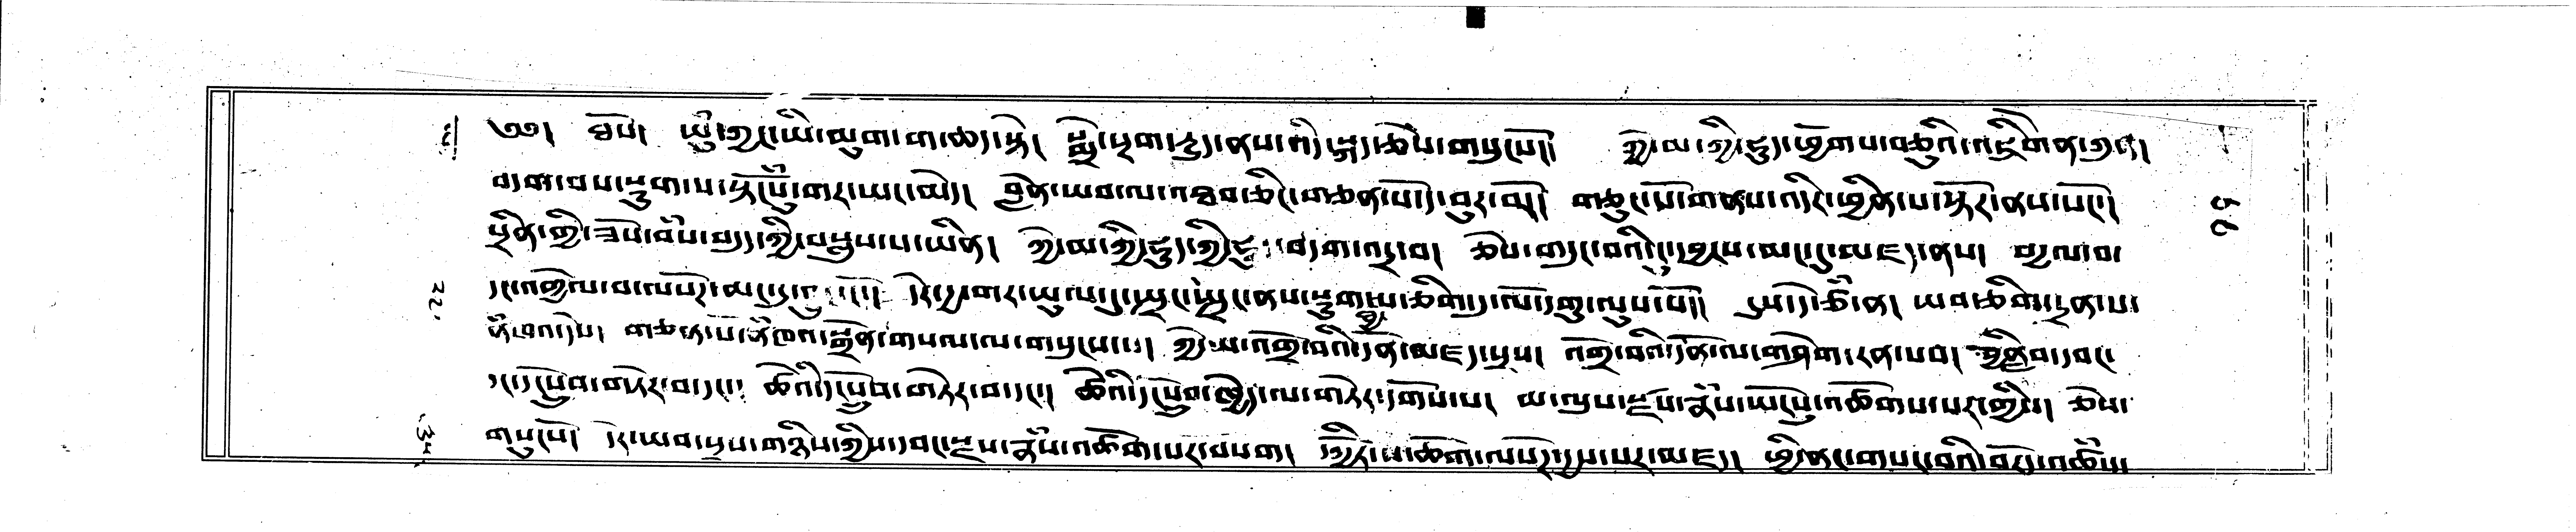ཐོས། ཡུམ་ཀྱང་ཡི་མུག་ག་ཆད་སྟེ། སྨྲེ་ངག་རྒྱུད་ནས་འདི་སྐད་ཅེས་གསུངས་སོ། ཀྱེ་མ་ཀྱི་ཧུད་ཕྱོགས་བཅུའི་འཇིག་རྟེན་ཀུན།
བདག་བས་སྡུག་པ་སྟོང་གསུམ་གར་ཡང་མེད། བླ་ཆེན་ཡབ་ལ་འཐབ་ཅིང་གཅན་པོ་ད་བུར་བོར། གཅུང་པོ་གནས་འདིར་ཕྱིན་པ་སྟོར་ནས་སོང་།
སྲིན་གྱི་ཟོས་བསམ་བདུད་ཀྱིས་བསླུས་པ་ཡིན། ཀྱེ་མ་ཀྱི་ཧུད་ཀྱི་ཧུད་བདག་འདྲ་བ། ཅེས་གདུང་བའི་ངུ་དབྱངས་མང་དུ་མཛད་ནས། བརྒྱལ་བ་
དང་འགྱེལ་བ་ལ་སོགས་མང་དུ་བྱུང་ངོ་། དེར་རྒྱ་གར་ཡུལ་དུ་སྤྲང་སྤྲང་ནས་སྡུག་ཐུག་པ་ཅིག་ཏུ་ལོ་དགུ་ལུས་སོ། དུས་དེ་ཙམ་ན་ཡབ་ཅིག་དྲན་པ་
ནམ་མཁའ་དེས། གཅེན་པོ་ནམ་མཁའ་སྒྲོན་གསལ་ལ་གསུངས་པ། ཀྱེ་མ་འགྲོ་བའི་དོན་མཛད་སྲས། འགྲོ་བའི་དོན་ལ་གཤེགས་རན་པས། བྱིན་རླབས་དབང་
དང་དངོས་གྲུབ་སྟེར་བ་དང་། ཚེ་ཡི་དངོས་གྲུབ་སྟེར་བ་དང་། ཚེའི་དངོས་གྲུབ་ཁྱེད་ལ་སྟེར་དགོས་པ། མ་ལུས་རྫས་རྣམས་ཡོངས་སུ་འཚོགས་པར་གྱིས། ཅེས་
གསུངས་སོ། །དེར་ཡབ་སྲས་གཉིས་ཀྱིས་དབང་རྫས་རྣམས་འཚོགས་པར་བསགས། དཀྱིལ་འཁོར་ས་ཆོག་ལ་སོགས་རྒྱས་པར་མཛད། ཕྱི་ནང་གསང་བའི་བར་ཆོད་མཚམས་